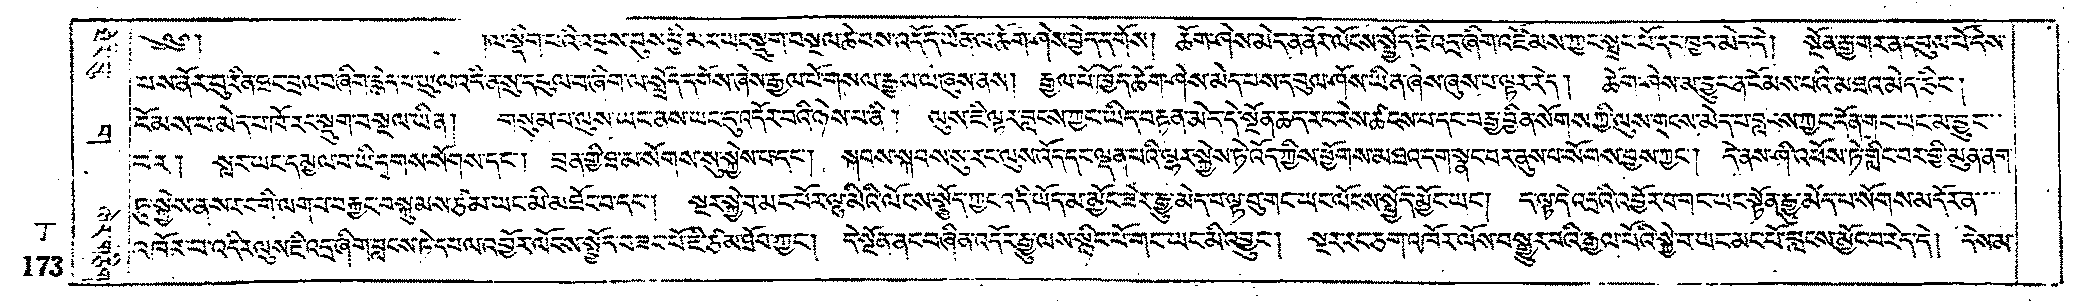༄༅། །ལ་སྡིག་པའི་འབྲས་བུས་ཕྱི་མར་ཡང་སྡུག་བསྔལ་ཆེ་བས་འདོད་ཡོན་ལ་ཆོག་ཤེས་བྱེད་དགོས། ཆོག་ཤེས་མེད་ན་ནོར་ལོངས་སྤྱོད་ཇི་འདྲ་ཞིག་འཛོམས་ཀྱང་སྤྲང་པོ་དང་ཁྱད་མེད་དེ། སྔོན་རྒྱ་གར་ན་དབུལ་པོ་དེས་
པས་ནོར་བུ་རིན་ཐང་བྲལ་བ་ཞིག་རྙེད་པ་ཡུལ་འདི་ན་སུ་དབུལ་བ་ཞིག་ལ་སྤྲོད་དགོས་ཞེས་རྒྱལ་པོ་གསལ་རྒྱལ་ལ་ཞུས་ནས། རྒྱལ་པོ་ཁྱོད་ཆོག་ཤེས་མེད་པས་དབུལ་ཤོས་ཡིན་ཞེས་ཞུས་པ་ལྟར་རེད། ཆོག་ཤེས་མ་བྱུང་ན་ངོམས་པའི་མཐའ་མེད་ཅིང་།
ངོམས་པ་མེད་པ་ཁོ་རང་སྡུག་བསྔལ་ཡིན། གསུམ་པ་ལུས་ཡང་ནས་ཡང་དུ་འདོར་བའི་ཉེས་པ་ནི། ལུས་ཇི་ལྟར་བླངས་ཀྱང་ཡིད་བརྟན་མེད་དེ་སྔོན་ཆད་རང་རེས་ཚངས་པ་དང་བརྒྱ་བྱིན་སོགས་ཀྱི་ལུས་གྲངས་མེད་པ་བླངས་ཀྱང་དོན་གང་ཡང་མ་བྱུང་་་
བར། སླར་ཡང་དམྱལ་བ་ཡི་དྭགས་སོགས་དང་། བྲན་གྱི་ཐ་མ་སོགས་བྱས་ཀྱང་། དེ་ནས་ཤི་འཕོས་ཏེ་གླིང་བར་གྱི་མུན་ནག་པའི་ལྷར་སྐྱེས་ཏེ་འོད་ཀྱིས་ཕྱོགས་མཐའ་དག་སྣང་བར་ནུས་པ་སོགས་བྱས་ཀྱང་། དེ་ནས་ཤི་འཕོས་ཏེ་གླིང་བར་གྱི་མུན་ནག་
ཏུ་སྐྱེས་ནས་རང་གི་ལག་པ་བརྐྱང་བསྐུམས་ཙམ་ཡང་མི་མཐོང་བ་དང་། སྔར་སྐྱེ་བ་མང་པོར་ལྷ་མིའི་ལོངས་སྤྱོད་ཀྱང་འདི་ཡོད་མ་མྱོང་ཟེར་རྒྱུ་མེད་པ་ལྟ་བུ་གང་ཡང་ལོངས་སྤྱོད་མྱོང་ཡང་། ད་ལྟ་དེ་འདྲའི་འབྱོར་བ་གང་ཡང་སྟོན་རྒྱུ་མེད་པ་སོགས་མདོར་ན་་་
འཁོར་བ་འདིར་ལུས་ཇི་འདྲ་ཞིག་བླངས་ཏེ་དཔལ་འབྱོར་ལོངས་སྤྱོད་བཟང་པོ་ཇི་ཙམ་ཐོབ་ཀྱང་། དེ་སྔོན་ནང་བཞིན་འདོར་རྒྱུ་ལས་སྙིང་པོ་གང་ཡང་མི་འབྱུང་། སྔར་རང་ཅག་འཁོར་ལོས་བསྒྱུར་བའི་རྒྱལ་པོའི་སྐྱེ་བ་ཡང་མང་པོ་བླངས་མྱོང་བ་རེད་དེ། དེས་མ་